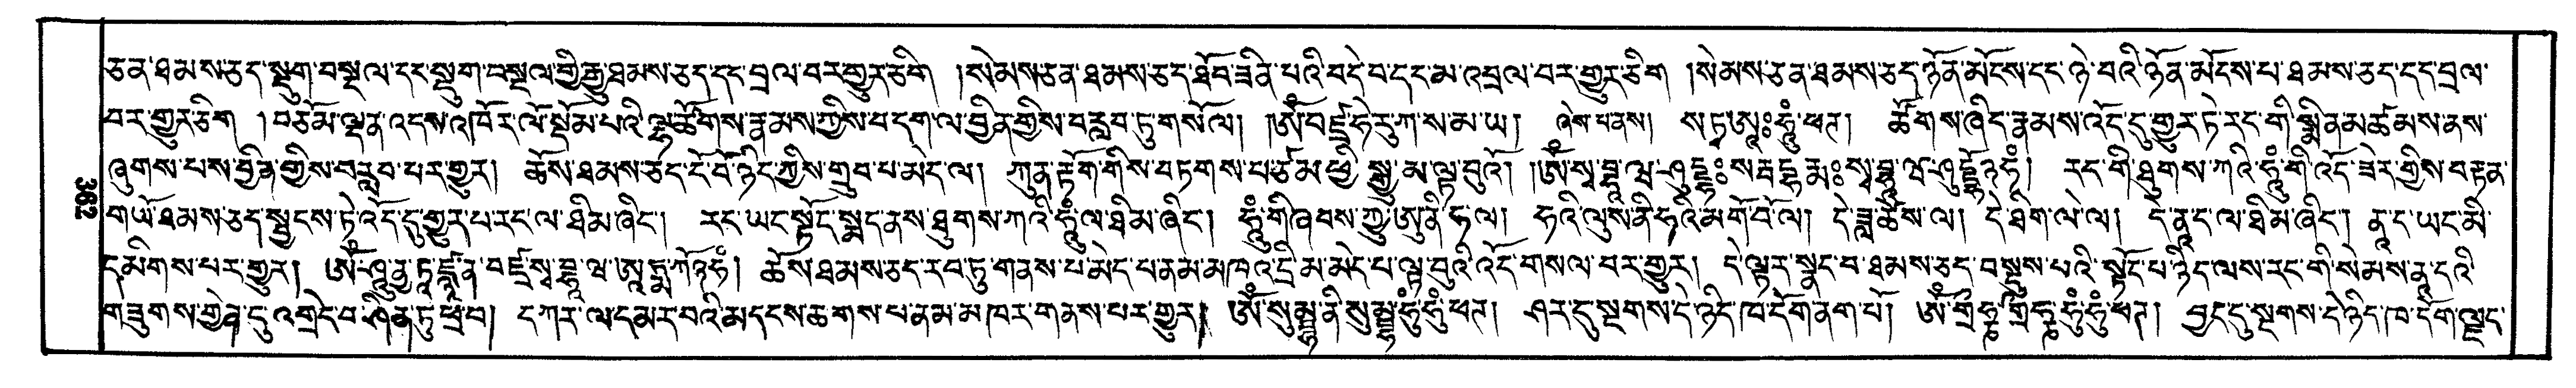ཅན་ཐམས་ཅད་སྡུག་བསྔལ་དང་སྡུག་བསྔལ་གྱི་རྒྱུ་ཐམས་ཅད་དང་བྲལ་བར་གྱུར་ཅིག །སེམས་ཅན་ཐམས་ཅད་ཐོབ་ཟིན་པའི་བདེ་བ་དང་མི་འབྲལ་བར་གྱུར་ཅིག །སེམས་ཅན་ཐམས་ཅད་ཉོན་མོངས་དང་ཉེ་བའི་ཉོན་མོངས་པ་ཐམས་ཅད་དང་བྲལ་
བར་གྱུར་ཅིག །བཅོམ་ལྡན་འདས་འཁོར་ལོ་སྡོམ་པའི་ལྷ་ཚོགས་རྣམས་ཀྱིས་བདག་ལ་བྱིན་གྱིས་བརླབ་ཏུ་གསོལ། །ཨོཾ་བ་ཛྲེ་ཧེ་རུ་ཀ་ས་མ་ཡ། ཞེས་པ་ནས། སཏྭ་ཨཱཿ ཧཱུཾ་ཕཊ། ཚོགས་ཞིང་རྣམས་འོད་དུ་གྱུར་ཏེ་རང་གི་སྨིན་མཚམས་ནས་
ཞུགས་པས་བྱིན་གྱིས་བརླབ་པར་གྱུར། ཆོས་ཐམས་ཅད་ངོ་བོ་ཉིད་ཀྱིས་གྲུབ་པ་མེད་ལ། ཀུན་རྟོག་གིས་བཏགས་པ་ཙམ་གྱི་སྒྱུ་མ་ལྟ་བུའོ། །ཨོཾ་སྭ་བྷཱ་ཝ་ཤུདྡྷཿ སརྦ་དྷརྨཱཿ སྭཱ་བྷཱ་ཝ་ཤུ་དྡྷོཉ་ཧཾ། རང་གི་ཐུགས་ཀའི་ཧཱུཾ་གི་འོད་ཟེར་གྱིས་བརྟན་
གཡོ་ཐམས་ཅད་སྦྱངས་ཏེ་འོད་དུ་གྱུར་པ་རང་ལ་ཐིམ་ཞིང་། རང་ཡང་སྟོད་སྨད་ནས་ཐུགས་ཀའི་ཧཱུཾ་ལ་ཐིམ་ཞིང་། ཧཱུཾ་གི་ཞབས་ཀྱུ་ཨུ་ནི་ཧ་ལ། ཧའི་ལུས་ནི་ཧའི་མ་གོ་བོ་ལ། དེ་ཟླ་ཆོས་ལ། དེ་ཐིག་ལེ་ལ། དེ་ནཱ་ད་ལ་ཐིམ་ཞིང་། ནཱ་ད་ཡང་མི་
དམིགས་པར་གྱུར། ཨོཾ་ཤཱུ་ནྱ་ཏཱ་ཛྙཱ་ན་བཛྲ་སྭཱ་བྷཱ་ཝ་ཨཱཏྨ་ཀོཉྷཾ། ཆོས་ཐམས་ཅད་རབ་ཏུ་གནས་པ་མེད་པ་ནམ་མཁའ་དྲི་མ་མེད་པ་ལྟ་བུའི་འོད་གསལ་བར་གྱུར། དེ་ལྟར་སྣང་བ་ཐམས་ཅད་བསྡུས་པའི་སྟོང་པ་ཉིད་ལས་རང་གི་སེམས་ནཱ་དའི་
གཟུགས་གྱེན་དུ་འགྲེང་བ་ཤིན་ཏུ་ཕྲ་པ། དཀར་ལ་དམར་བའི་མདངས་ཆགས་བ་ནམ་མཁར་གནས་པར་གྱུར། ཨོཾ་སུམྦྷ་ནི་སུམྦྷ་ཧུཾ་ཧུཾ་ཕཊ། ཤར་དུ་སྔགས་དེ་ཉིད་ཁ་དོག་ནག་པོ། ཨོཾ་གྲྀ་ཧྞ་གྲྀ་ཧྞ་ཧུཾ་ཧུཾ་ཕཊ། བྱང་དུ་སྔགས་དེ་ཉིད་ཁ་དོག་ལྗང་